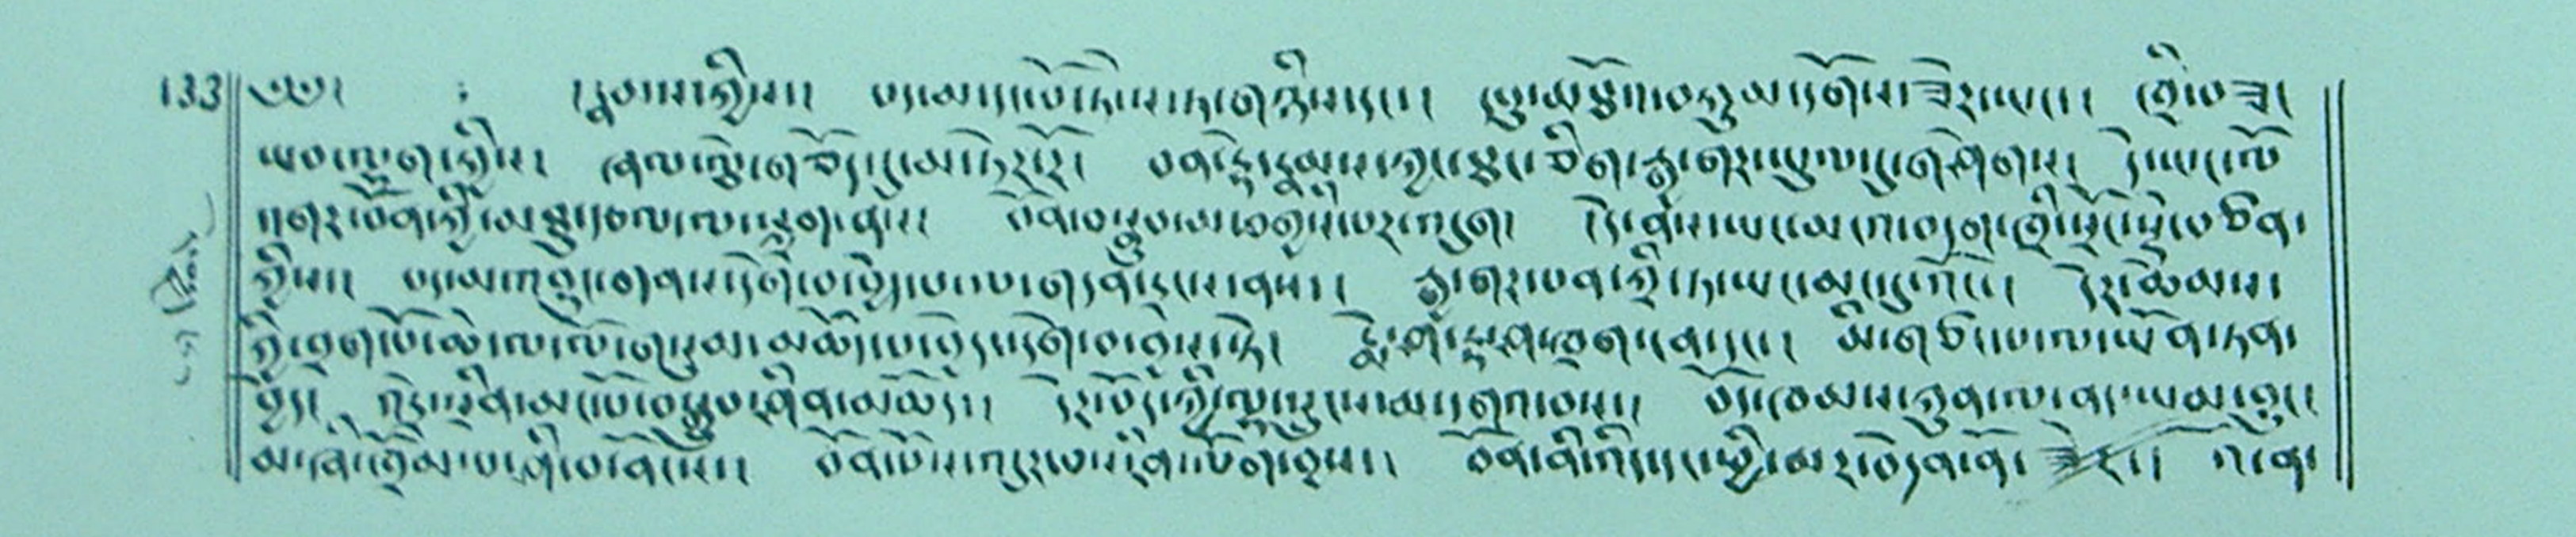༄༅། །རྣམས་ཀྱིས། པད་མ་དང་བོ་ཏེ་ས་ཏ་གཉིས། དབུ་མཐོའ་བཀུམ་དགོས་ཟེར་ཡང་། ཁྲི་བཟང་
ཡབ་ལྷག་གིས། ཞལ་ལྕེ་གཅོད་དུ་མ་སྟེར་རོ། །བན་དྷེ་རྣམས་ཀྱང་ཐང་ཅིག་རྒྱ་གར་ཡུལ་དུ་གཤེགས། །དེ་ཡང་ལོ་འ
གར་བོན་གྱི་མཐུ་རྩལ་ལ་སྐྲག་ནས། བོན་བསྣུབ་མ་བགྱིས་པར་འདུག དེ་ནས་ཡང་མངའ་བདག་ཁྲི་སྲོང་ལྡེ་བཙན་
གྱིས། པད་མ་འབྱུང་གནས་དགེ་བ་བྱེད་པ་ལ་གདན་དྲངས་ནས། རྒྱ་གར་པན་ཀྲི་ཏ་ཡང་མང་དུ་འོང་། དེར་ཆེམས་
ཀྱི་བྲག་པོ་ཆེ་ལ་ལོ་གསུམ་མཆོད་པ་བྱེདང་དགེ་བ་བྱས་ཏེ། རྨེ་ཤ་རྟ་ཤ་ཁྲག་ངན་དང་། མི་གཙང་བ་ལ་ཡོན་ཏན་
བྱེད། འདྲེ་སྲིན་མང་པོ་བསྒྲུབ་ཤིན་མཆོད། དེར་བོད་ཀྱི་ལྷ་བསྲུངས་མ་དགའ་བས། བོད་ཁམས་ཀུན་ལ་ནད་ཡམས་བྱུང་། 
མ་ཞི་ཁྲོམ་པ་ཤི་བ་ནོངས། བོན་པོས་འདུར་བས་དྲིན་ལོག་བྱས། བོན་ནི་འདི་དང་ཕྱི་མར་བདེན་ནོ་ཟེར། འོ་ན་